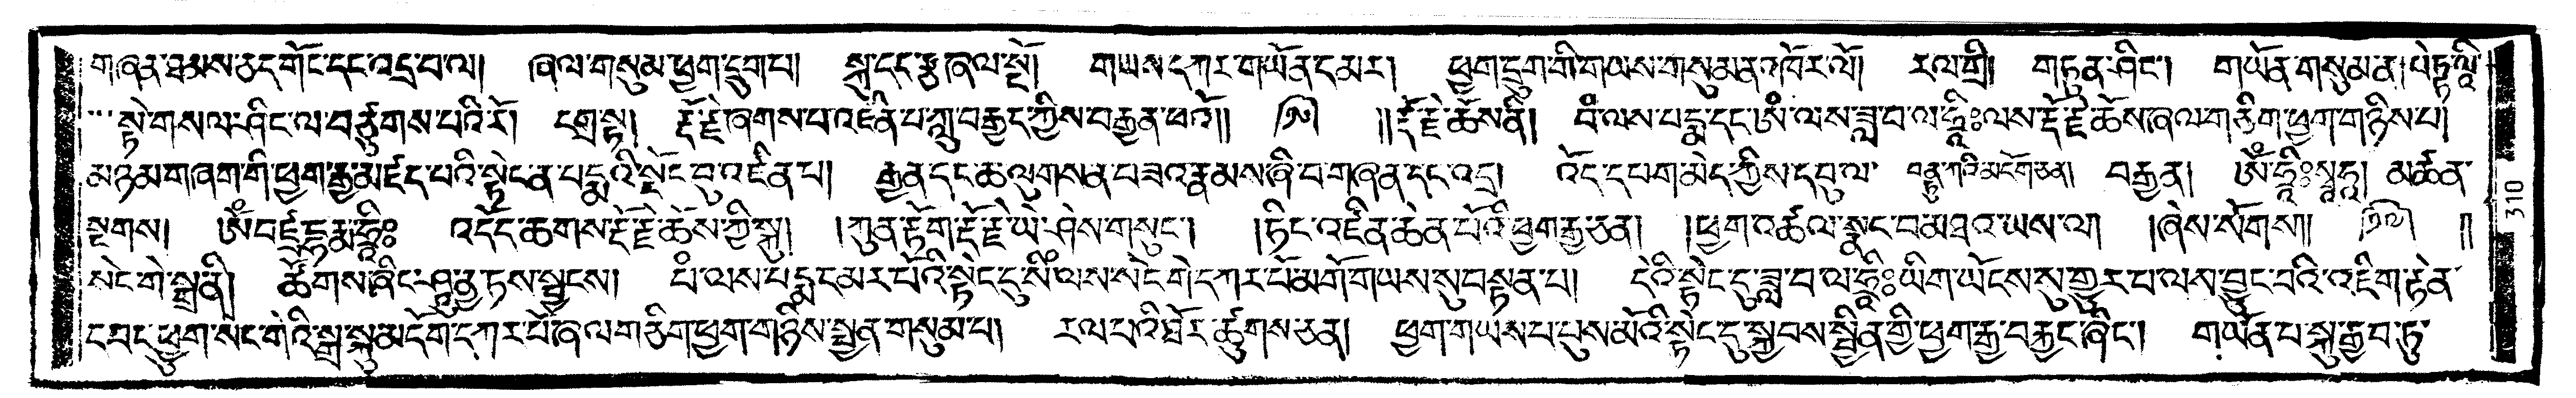གཞན་ཐམས་ཅད་གོང་དང་འདྲ་བ་ལ། ཞལ་གསུམ་ཕྱག་དྲུག་པ། སྐུ་དང་རྩ་ཞལ་སྔོ། གཡས་དཀར་གཡོན་དམར། ཕྱག་དྲུག་གི་གཡས་གསུམ་ན་འཁོར་ལོ། རལ་གྲི། གཏུན་ཤིང་། གཡོན་གསུམ་ན། པེཏྟ་ལཱི་
སྟེ་གསལ་ཤིང་ལ་བཙུགས་པའི་རོ། དགྲ་སྟ། རྡོ་རྗེ་ཞགས་པ་འཛིན་པ་ཀླུ་བརྒྱད་ཀྱིས་བརྒྱན་ཕའོ།། ༡༦?་།།རྡོ་རྗེ་ཆོས་ནི། བཾ་ལས་པདམ་དང་ཨཾ་ལས་ཟླ་བ་ལ་ཧྲཱིཿལས་རྡོ་རྗེ་ཆོས་ཞལ་གཅིག་ཕྱག་གཉིས་པ།
མཉམ་གཞག་གི་ཕྱག་རྒྱ་མཛད་པའི་སྟེང་ན་པདམའི་སྡོང་བུ་འཛིན་པ། རྒྱན་དང་ཆ་ལུགས་ན་བཟའ་རྣམས་ཞི་བ་གཞན་དང་འདྲ། འོད་དཔག་མེད་ཀྱིས་དབུ་ལ་བནྟུ་ཀའི་མདོག་ཅན། བརྒྱན། ཨོཾ་ཧྲཱིཿསྭཱཧཱ། མཚན་
སྔགས། ཨོཾ་བཛྲ་དྷརྨ་ཧྲཱིཿ འདོད་ཆགས་རྡོ་རྗེ་ཆོས་ཀྱི་སྐུ། །ཀུན་རྟོག་རྡོ་རྗེ་ཡེ་ཤེས་གསུང་། །ཏིང་འཛིན་ཆེན་པོའི་ཕྱག་རྒྱ་ཅན། །ཕྱག་འཚལ་སྣང་བ་མཐའ་ཡས་ལ། །ཞེས་སོགས།། ༡༧?་།།
སེང་གེ་སྒྲ་ནི། ཚོགས་ཞིང་ཤཱུ་ནྱ་ཏས་སྦྱངས། པཾ་ལས་པདམ་དམར་པོའི་སྟེང་དུ་སིཾ་ལས་སེང་གེ་དཀར་པོ་མགོ་གཡས་སུ་བསྟན་པ། དེའི་སྟེང་དུ་ཟླ་བ་ལ་ཧྲཱིཿཡིག་ཡོངས་སུ་གྱུར་པ་ལས་བྱུང་བའི་འཇིག་རྟེན་
དབང་ཕྱུག་སེང་གེའི་སྒྲ་སྐུ་མདོག་དཀར་པོ་ཞལ་གཅིག་ཕྱག་གཉིས་སྤྱན་གསུམ་པ། རལ་པའི་ཐོར་ཚུགས་ཅན། ཕྱག་གཡས་པ་པུས་མོའི་སྟེང་དུ་སྐྱབས་སྦྱིན་གྱི་ཕྱག་རྒྱ་བརྐྱང་ཞིང་། གཡོན་པ་སྐུ་རྒྱབ་ཏུ་